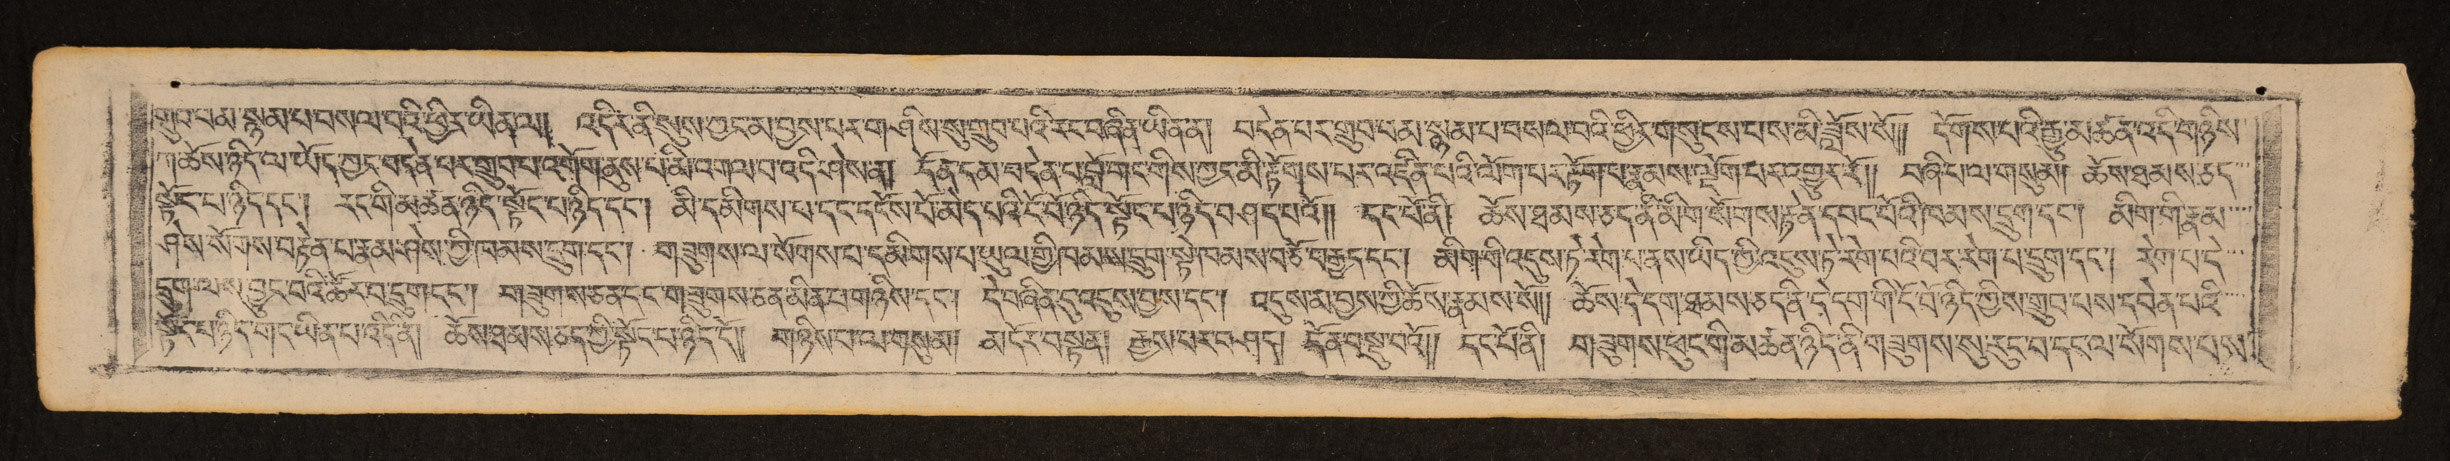གྲུབ་བམ་སྙམ་པ་བསལ་བའི་ཕྱིར་ཡིན་ལ། འདིར་ནི་སུས་ཀྱང་མ་བྱས་པར་གཤིས་སུ་གྲུབ་པའི་རང་བཞིན་ཡིན་ན། བདེན་པར་གྲུབ་བམ་སྙམ་པ་བསལ་བའི་ཕྱིར་གསུངས་པས་མི་ཟློས་སོ།། དོགས་པའི་རྒྱུ་མཚན་འདི་གཉིས་
ག་ཆོས་ཉིད་ལ་ཡོད་ཀྱང་བདེན་པར་གྲུབ་པ་འགོག་ནུས་པ་མི་འགལ་བ་འདི་ཤེས་ན། དོན་དམ་བདེན་པ་བློ་གང་གིས་ཀྱང་མི་རྟོགས་པར་འཛིན་པའི་ལོག་པར་རྟོག་པ་རྣམས་ལྡོག་པར་འགྱུར་རོ།། བཞི་པ་ལ་གསུམ། ཆོས་ཐམས་ཅད་
སྟོང་པ་ཉིད་དང་། རང་གི་མཚན་ཉིད་སྟོང་པ་ཉིད་དང་། མི་དམིགས་པ་དང་དངོས་པོ་མེད་པའི་ངོ་བོ་ཉིད་སྟོང་པ་ཉིད་བཤད་པའོ།། དང་པོ་ནི། ཆོས་ཐམས་ཅད་ནི་མིག་སོགས་རྟེན་དབང་པོའི་ཁམས་དྲུག་དང་། མིག་གི་རྣམ་
ཤེས་སོགས་བརྟེན་པ་རྣམ་ཤེས་ཀྱི་ཁམས་དྲུག་དང་། གཟུགས་ལ་སོགས་པ་དམིགས་པ་ཡུལ་གྱི་ཁམས་དྲུག་སྟེ་ཁམས་བཅོ་བརྒྱད་དང་། མིག་གི་འདུས་ཏེ་རེག་པ་ནས་ཡིད་ཀྱི་འདུས་ཏེ་རེག་པའི་བར་རེག་པ་དྲུག་དང་། རེག་པ་དེ་
དྲུག་ལས་བྱུང་བའི་ཚེར་བ་དྲུག་དང་། གཟུགས་ཅན་དང་གཟུགས་ཅན་མིན་པ་གཉིས་དང་། དེ་བཞིན་དུ་འདུས་བྱས་དང་། འདུས་མ་བྱས་ཀྱི་ཆོས་རྣམས་སོ།། ཆོས་དེ་དག་ཐམས་ཅད་ནི་དེ་དག་གི་ངོ་བོ་ཉིད་ཀྱིས་གྲུབ་པས་དབེན་པའི་
སྟོང་པ་ཉིད་གང་ཡིན་པ་འདི་ནི། ཆོས་ཐམས་ཅད་ཀྱི་སྟོང་པ་ཉིད་དོ།། གཉིས་པ་ལ་གསུམ། མདོར་བསྟན། རྒྱས་པར་བཤད། དོན་བསྡུ་བའོ།། དང་པོ་ནི། གཟུགས་ཕུང་གི་མཚན་ཉིད་ནི་གཟུགས་སུ་རུང་བ་དང་ལ་སོགས་པས་